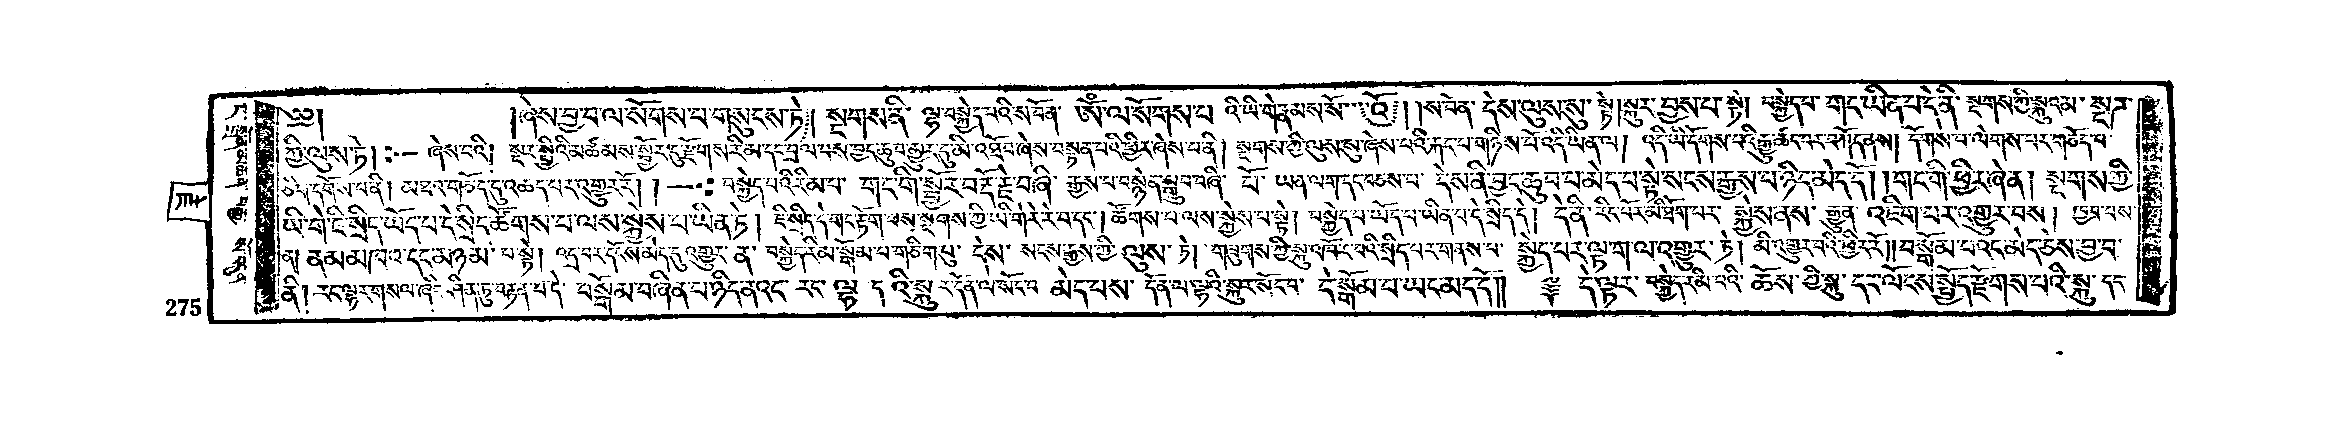༄༅། །ཞེས་བྱ་བ་ལ་སོགས་པ་གསུངས་ཏེ། སྔགས་ནི་ལྷ་བསྐྱེད་པའི་ས་བོན་ཨོཾ་ལ་སོགས་པའི་ཡི་གེ་རྣམས་སོ་འོ། ། ས་བོན་དེས་ལུས་སུ་སྟེ། སྐུར་བྱས་པ་སྟེ། བསྐྱེད་པ་གང་ཡིན་པ་དེ་ནི་སྔགས་ཀྱི་སྐུའམ་སྔགས་
ཀྱི་ལུས་ཏེ། H.་ཞེས་པའི། སྔར་སྤྱིའི་མཚམས་སྦྱོར་དུ་རྫོགས་རིམ་དང་བྲལ་པས་བྱང་ཆུབ་མྱུར་དུ་མི་འཐོབ་ཞེས་བསྟན་པའི་ཕྱིར་ཞེས་པ་ནི། སྔགས་ཀྱི་ལུས་སུ་ཞེས་པའི་རྐང་པ་གཉིས་པོ་འདི་ཡིན་ལ། འདི་ཡི་དོགས་པའི་རྒྱུ་ཚང་བར་བཀོད་ནས། དོགས་པ་ལེགས་པར་གཅོད་པ་
ཅིག་དགོས་པ་ནི། མཐའ་གཅོད་དུ་འཆད་པར་འགྱུར་རོ། ། .Hབསྐྱེད་པའི་རིམ་པ་གང་གི་སྦྱོར་བ་རྡོ་རྗེ་བཞི་རྒྱས་པ་བསྙེན་སྒྲུབ་བཞི་པོ་ཡན་ལག་དང་བཅས་པ་དེས་ནི་བྱང་ཆུབ་པ་མེད་པ་སྟེ་སངས་རྒྱས་པ་ཉིད་མེད་དོ། །གང་གི་ཕྱིར་ཞེ་ན། སྔགས་ཀྱི་
ཡི་གེ་ཇི་སྲིད་ཡོད་པ་དེ་སྲིད་ཚོགས་པ་ལས་སྐྱེས་པ་ཡིན་ཏེ། ཇི་སྲིད་དེ་གང་རྟོག་པས་སྔགས་ཀྱི་ཡི་གེ་རེ་རེ་བ་དང་། ཚོགས་པ་ལས་སྐྱེས་པ་སྟེ། བསྐྱེད་པ་ཡོད་པ་ཡིན་པ་དེ་སྲིད་དེ།  དེ་ནི་རིང་པོར་མི་ཐོག་པར་སྐྱེས་ནས་རྒྱུན་འཇིག་པར་འགྱུར་བས། ཁྱབ་པས་
ན། ནམ་མཁའ་དང་མཉམ་པ་སྟེ། འདྲ་བར་དངོས་མེད་དུ་འགྱུར་ན་བསྐྱེད་རིམ་སྒོམ་པ་གཅིག་པུ་དེས་སངས་རྒྱས་ཀྱི་ལུས་ཏེ། གཟུགས་ཀྱི་སྐུ་འཁོར་བའི་སྲིད་པར་གནས་པ་སྐྱེད་པར་ལྟ་ག་ལ་འགྱུར་ཏེ། མི་འགྱུར་བའི་ཕྱིར་རོ།  །བསྒོམ་པའང་མེད་ཅེས་བྱ་བ་
ནི། རང་ལྷར་གསལ་ཞིང་ཤིན་ཏུ་བརྟན་པ་དེ་བསྒོམ་བཞིན་པ་ཉིད་ནའང་རང་ལྷ་དེའི་སྐུར་དོན་ལ་སོང་བ་མེད་པས་དོན་ལ་ལྷའི་སྐུར་སོང་བ་དེ་སྒོམ་པ་ཡང་མེད་དོ།། ༈ དེ་ལྟར་བསྐྱེད་རིམ་པའི་ཆོས་ཀྱི་སྐུ་དང་ལོངས་སྤྱོད་རྫོགས་པའི་སྐུ་དང